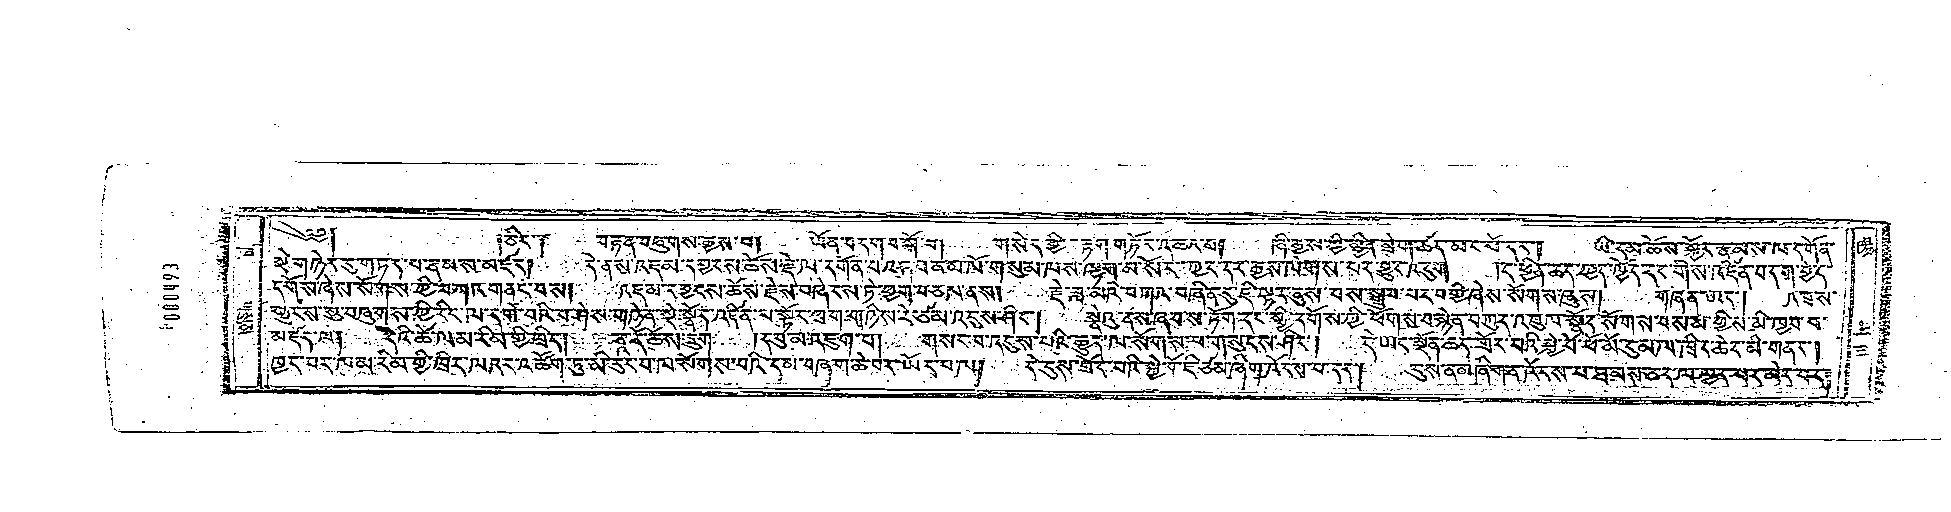༄༅། །ཅིང༑ བརྟན་བཞུགས་རྒྱས་བ། ཡོན་བདག་བསྒོ་བ། གསེར་གྱི་རྟག་གཏོང་འཆའ་བ། ཞི་རྒྱས་ཀྱི་སྦྱིན་སྲེག་ཚད་མང་པོ་དང་། ཡི་དམ་ཆོས་སྐྱོང་རྣམས་ལ་དགོན་
སྡེ་གཉེར་དུ་གཏད་པ་རྣམས་མཛད། དེ་ནས་འཇམ་དབྱངས་ཆོས་རྗེ་ལ་དགོན་པའ་?བན་མ་ལོ་གསུམ་ལས་ལྷག་མ་སོང་ཀྱང་དར་རྒྱས་ལེགས་པར་བྱུང་འདུག །ད་ཕྱིན་ཆང་ཀྱང་ཁྱོད་རང་གིས་འཛིན་བདག་བྱེད་
དགོས་ཞེས་སོགས་ཀྱི་བཀའ་གནང་བས། འཇམ་དབྱངས་ཆོས་རྗེས་བཞེངས་ཏེ་ཕྱག་བཙལ་ནས། རྗེ་བླ་མའི་བཀའ་བཞིན་དུ་ཇི་ལྟར་ནུས་པས་སྒྲུབ་པར་བགྱི་ཞེས་སོགས་ཞུས། གཞན་ཡང་། འབྲས་
སྤུངས་སུ་བཞུགས་ཀྱི་རིང་ལ་དགེ་བའི་བཤེས་གཉེན་སྡེ་སྣོད་འཛིན་པ་སྟོང་ཕྲག་གཉིས་རེ་ཙམ་འདུས་ཤིང་། སྣེའུ་ནས་ཞབས་ཏོག་དང་སྤྱི་དགོས་ཀྱི་ཕོགས་བསྙེན་བཀུར་འབུལ་སྣོད་སོགས་བསམ་གྱིས་མི་ཁྱབ་བ་
མཛད་ལ། དེའི་ཚེ་ལམ་རིམ་གྱི་ཁྲིད། ནཱ་རོ་ཚེས་དྲུག །དབུ་མ་འཇུག་པ། གསང་བ་འདུས་པའི་རྒྱུད་ལ་སོགས་པ་གསུངས་ཤིང་། དེ་ཡང་སྔོན་ཆད་གྲོང་པའི་སྐྱེ་བོ་ཕོ་མོ་དུ་མ་ལ་ཁྲིད་ཆེད་མི་གནང་།
ཁྱད་པར་ལམ་རིམ་གྱི་ཁྲིད་ལའང་འཚོག་ཏུ་མི་རུང་བ་ལ་སོགས་པའི་དམ་བཞག་ཆེ་བར་ཡོད་པ་ལ། དེ་དུས་གྲོང་པའི་སྐྱེ་བོ་ཇི་ཙམ་ཞིག་འོངས་པ་དང་། དུས་ནམ་ཞིག་ན་འོངས་པ་ཐམས་ཅད་ལ་ཁྱད་པར་མེད་པར།